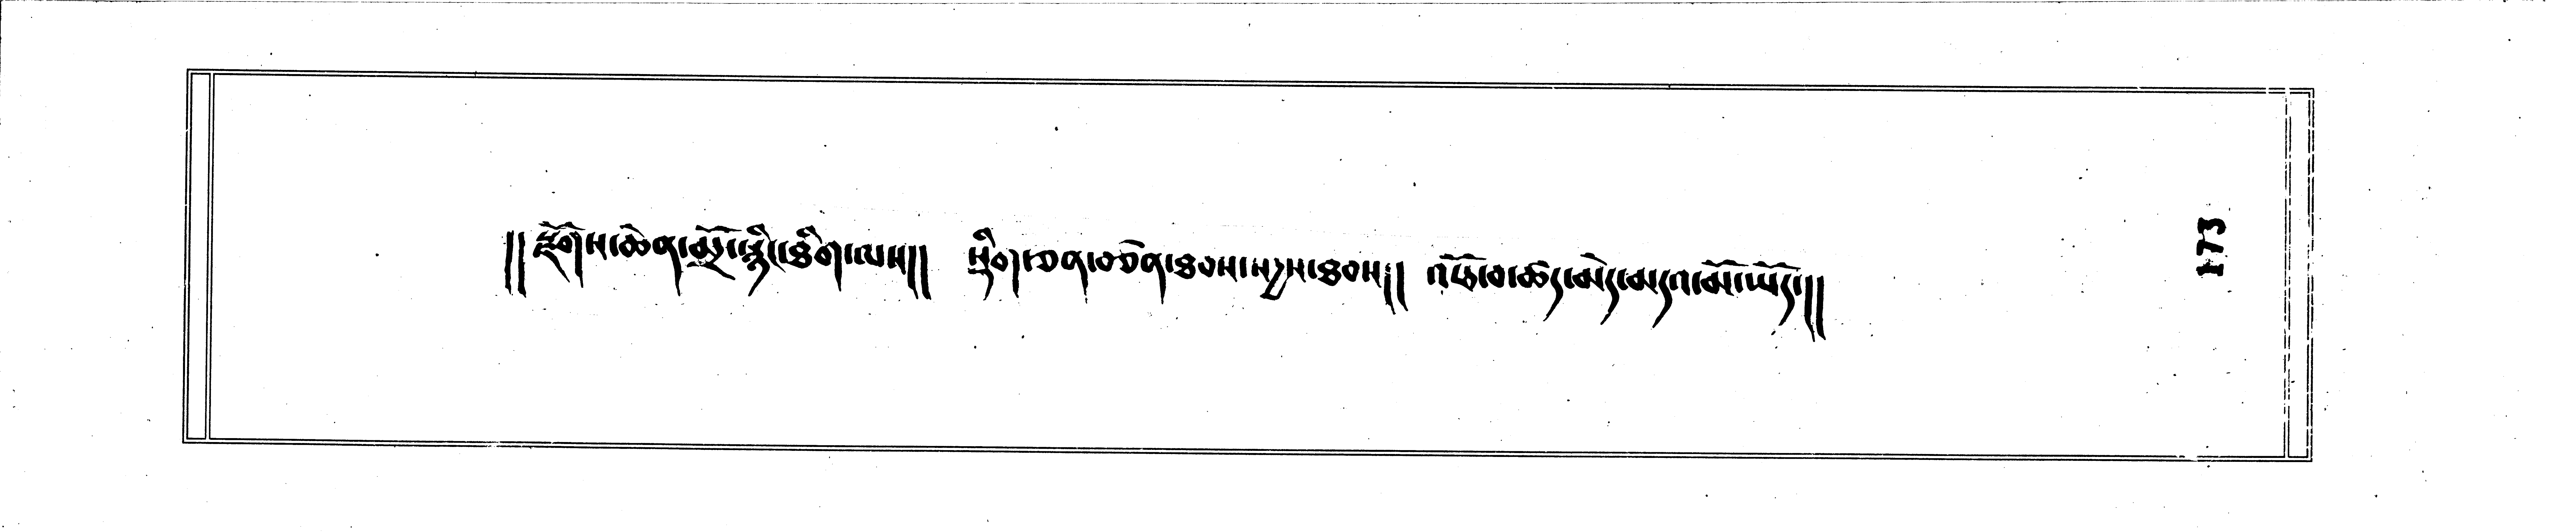རྫོགས་ཆེན་མཁའ་འགྲོ་སྙིང་ཐིག་ལས། སྡིག་ཅན་བཙན་ཐབས་སངས་རྒྱས་ཐབས། འཕོ་བ་ཚད་མེད་མདའ་མོ་ཡོད།།